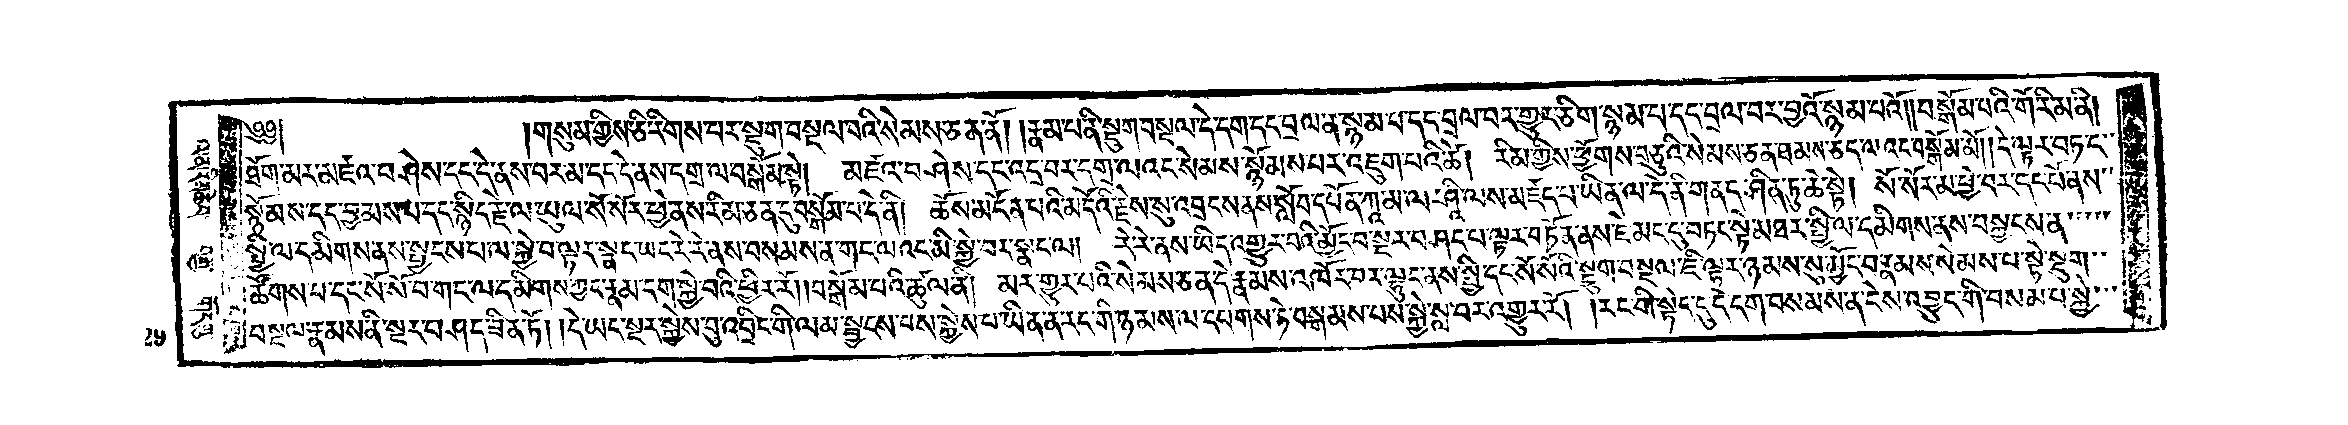༄༅། །གསུམ་གྱིས་ཅི་རིགས་པར་སྡུག་བསྔལ་བའི་སེམས་ཅན་ནོ། །རྣམ་པ་ནི་སྡུག་བསྔལ་དེ་དག་དང་བྲལ་ན་སྙམ་པ་དང་བྲལ་བར་གྱུར་ཅིག་སྙམ་པ་དང་བྲལ་བར་བྱའོ་སྙམ་པའོ། །བསྒོམ་པའི་གོ་རིམ་ནི།
ཐོག་མར་མཛའ་བཤེས་དང་དེ་ནས་བར་མ་དང་དེ་ནས་དགྲ་ལ་བསྒོམ་སྟེ། མཛའ་བཤེས་དང་འདྲ་བར་དགྲ་ལའང་སེམས་སྙོམས་པར་འཇུག་པའི་ཚེ། རིམ་གྱིས་ཕྱོགས་བཅུའི་སེམས་ཅན་ཐམས་ཅད་ལའང་བསྒོམ་མོ། །དེ་ལྟར་བཏང་
སྙོམས་དང་བྱམས་པ་དང་སྙིང་རྗེ་ལ་ཡུལ་སོ་སོར་ཕྱེ་ནས་རིམ་ཅན་དུ་བསྒོམ་པ་དེ་ནི། ཆོས་མངོན་པའི་མདོའི་རྗེས་སུ་འབྲངས་ནས་སློབ་དཔོན་ཀཱ་མ་ལ་ཤཱི་ལས་མཛད་པ་ཡིན་ལ་དེ་ནི་གནད་ཤིན་ཏུ་ཆེ་སྟེ། སོ་སོར་མ་ཕྱེ་བར་དང་པོ་ནས་
སྤྱི་ལ་དམིགས་ནས་སྦྱངས་པ་ལ་སྐྱེ་བ་ལྟར་སྣང་ཡང་རེ་རེ་ནས་བསམས་ན་གང་ལའང་མི་སྐྱེ་བར་སྣང་ལ། རེ་རེ་ནས་ཡིད་འགྱུར་བའི་མྱོང་བ་སྔར་བཤད་པ་ལྟར་བཏོན་ནས་ཇེ་མང་དུ་བཏང་སྟེ་མཐར་སྤྱི་ལ་དམིགས་ནས་བསྐྱངས་ན་
ཚོགས་པ་དང་སོ་སོ་བ་གང་ལ་དམིགས་ཀྱང་རྣམ་དག་སྐྱེ་བའི་ཕྱིར་རོ། །བསྒོམ་པའི་ཚུལ་ནི། མར་གྱུར་བའི་?་སེམས་ཅན་དེ་རྣམས་འཁོར་བར་ལྷུང་ནས་སྤྱི་དང་སོ་སོའི་སྡུག་བསྔལ་ཇི་ལྟར་ཉམས་སུ་མྱོང་བ་རྣམས་སེམས་པ་སྟེ་སྡུག་
བསྔལ་རྣམས་ནི་སྔར་བཤད་ཟིན་ཏོ། །དེ་ཡང་སྔར་སྐྱེས་བུ་འབྲིང་གི་ལམ་སྦྱངས་པས་སྐྱེས་པ་ཡིན་ན་རང་གི་ཉམས་ལ་དཔགས་ཏེ་བསྒོམས་པས་སྐྱེ་སླ་བར་འགྱུར་རོ། །རང་གི་སྟེང་དུ་དེ་དག་བསམས་ན་ངེས་འབྱུང་གི་བསམ་པ་སྐྱེ་